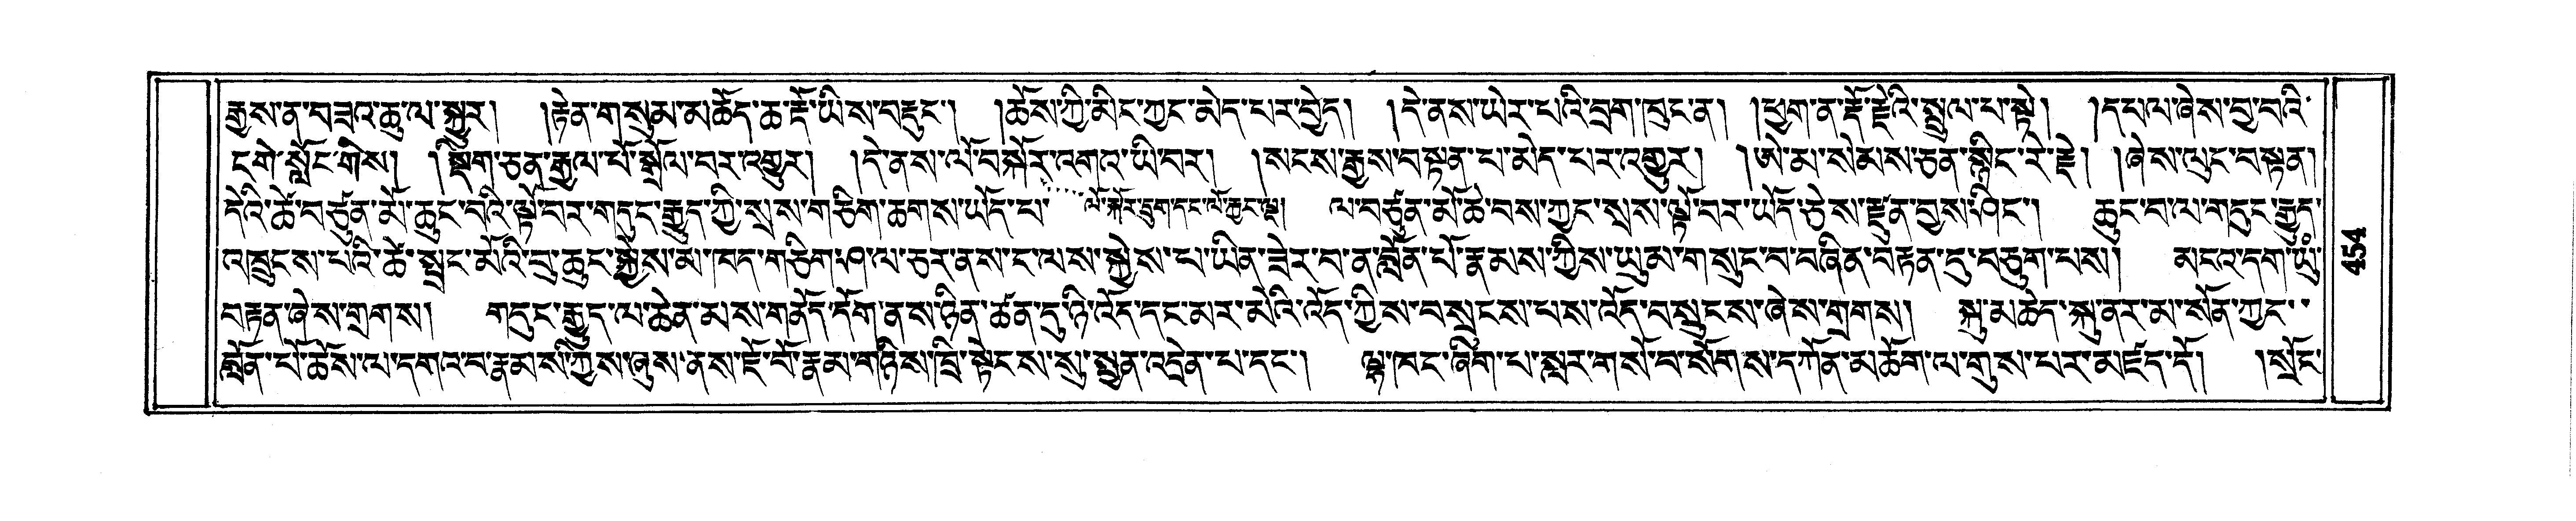རྒྱས་ན་བཟའ་ཆུ་ལ་སྐྱུར། །རྟེན་གསུམ་མཆོད་ཆ་རྡོ་ཡིས་བརྡུང་། །ཆོས་ཀྱི་མིང་ཀྱང་མེད་པར་བྱེད། །དེ་ནས་ཡེར་པའི་བྲག་ཁུང་ན། །ཕྱག་ན་རྡོ་རྗེའི་སྤྲུལ་པ་སྟེ། །དཔལ་ཞེས་བྱ་བའི་
དགེ་སློང་གིས། །སྡིག་ཅན་རྒྱལ་པོ་སྒྲོལ་བར་འགྱུར། །དེ་ནས་ལོ་བསྐོར་འགའ་ཡི་བར། །སངས་རྒྱས་བསྟན་པ་མེད་པར་འགྱུར། །ཨེ་མ་སེམས་ཅན་སྙིང་རེ་རྗེ། །ཞེས་ལུང་བསྟན།
དེའི་ཚེ་བཙུན་མོ་ཆུང་བའི་ལྟོ་བར་གདུང་རྒྱུད་ཀྱི་སྲས་གཅིག་ཆགས་ཡོད་པ་ལོ་སྐོར་དྲུག་དང་ལོ་རྐྱང་ལྔ།  ལ་བཙུན་མོ་ཆེ་བས་ཀྱང་སྲས་ལྟོ་བར་ཡོད་ཅེས་རྫུན་བྱས་ཤིང་། ཆུང་བ་ལ་གདུང་རྒྱུད་
འཁྲུངས་པའི་ཚེ་སྤྲང་མོའི་བུ་ཆུང་སྐྱེས་མ་ཁད་གཅིག་ཤ་ལ་ཅར་ནས་ང་ལས་སྐྱེས་པ་ཡིན་ཟེར་བ་ན་བློན་པོ་རྣམས་ཀྱིས་ཡུམ་གསུང་བ་བཞིན་བརྟན་དུ་བཅུག་པས། མངའ་དག་ཡུཾ་
བརྟན་ཞེས་གྲགས། གདུང་རྒྱུད་ལ་ཆེན་མས་གནོད་དོག་ནས་ཉིན་ཚན་དུ་ཉི་འོད་དང་མར་མེའི་འོད་ཀྱིས་བསྲུངས་པས་འོད་བསྲུངས་ཞེས་གྲགས། སྐུ་མཆེད་སྐུ་ནར་མ་སོན་ཀྱང་
བློན་པོ་ཆོས་ལ་དགའ་བ་རྣམས་ཀྱིས་ཞུས་ནས་ཇོ་བོ་རྣམ་གཉིས་ཁྲི་སྟེངས་སུ་སྤྱན་འདྲེན་པ་དང་། ལྷ་ཁང་ཞིག་པ་སླར་གསོ་བ་སོགས་དཀོན་མཆོག་ལ་གུས་པར་མཛད་དོ། །སྲོང་